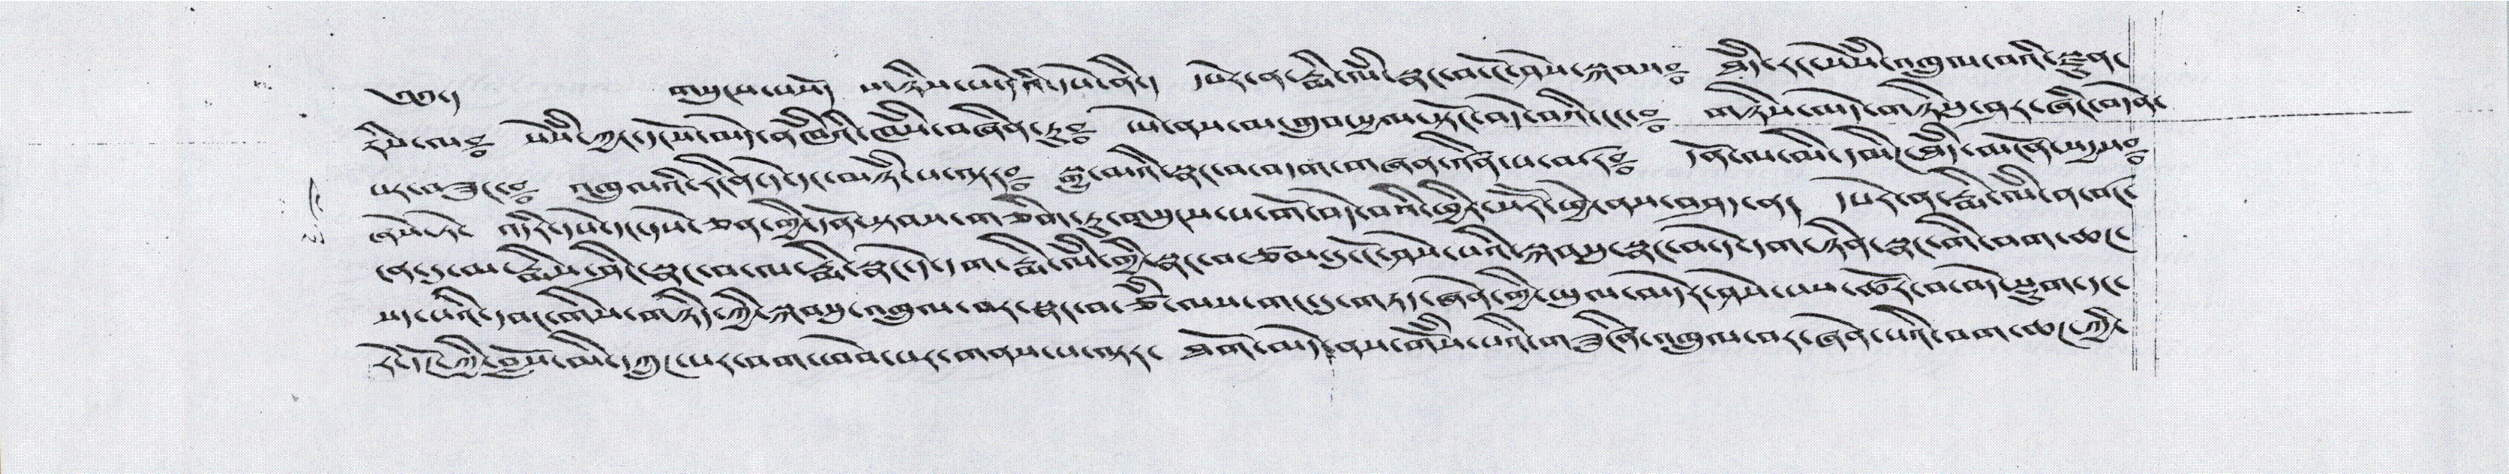གསུངས་པའོ། གཉིས་པ་དེའི་དཔེ་ནི། དཔེར་ན་རྨི་ལམ་སྣང་བ་ངོ་ཤེས་སྐབསཿ ཐམས་ཅད་རང་སེམས་འཁྲུལ་པའི་རྫུན་
རིས་ལཿ སེམས་ཀྱང་དངོས་མེད་ནམ་མཁའི་ཁམས་བཞིན་དུཿ ཡེ་ནས་མ་གྲུབ་གསལ་སྟོང་བདེ་བའི་ངངཿ གཉིས་མེད་གཉིས་སུ་ཤར་ཞིང་བདེན་
པར་གཟུངཿ འཁྲུལ་པའི་རང་བཞིན་དེ་དང་མཉམ་པ་ལྟརཿ སྒྱུ་མའི་སྣང་བ་བདག་གཞན་འཛིན་པ་མཚརཿ དོན་ལ་མི་དམིགས་ཐམས་ཅད་མངོན་སངས་རྒྱསཿ 
ཞེས་ཏེ། འདིར་དཔེ་དང་དཔེ་ཅན་གྱི་དོན་སྟབས་གཅིག་ཏུ་གསུངས་པ་གོ་བདེ་བའི་ཕྱིར་སོ་སོར་ཕྱེ་ནས་བཤད་ན། དཔེར་ན་རྨི་ལམ་ན་བཟང་
ངན་དུ་མ་རྨིས་ཤིང་སྣང་བ་ལ་རྨི་སྣང་དེ་དག་རྨི་ལམ་གྱི་སྣང་བ་ཙམ་དུ་ངོ་ཤེས་པའི་སྐབས་སུ་སྣང་བ་དེ་དག་ཉིན་སྣང་གི་བག་ཆགས་
སད་པའི་དབང་གིས་གཉིད་ཀྱི་སྐབས་སུ་འཁྲུལ་པར་སྣང་བ་ཙམ་ལས། གང་དུ་གཏད་ཞེན་གྱི་ཡུལ་མེད་པར་ཤེས་པས། ཚོར་བ་བདེ་སྡུག་དང་
རེ་དྭོགས་ཀྱི་བློས་མི་དཀྲུག་པར་བག་ཕེབས་པར་གནས་པ་ལྟར། ཐོག་མེད་ནས་གོམས་པའི་གཟུང་འཛིན་འཁྲུལ་པར་ཞེན་པའི་བག་ཆགས་ཀྱི་